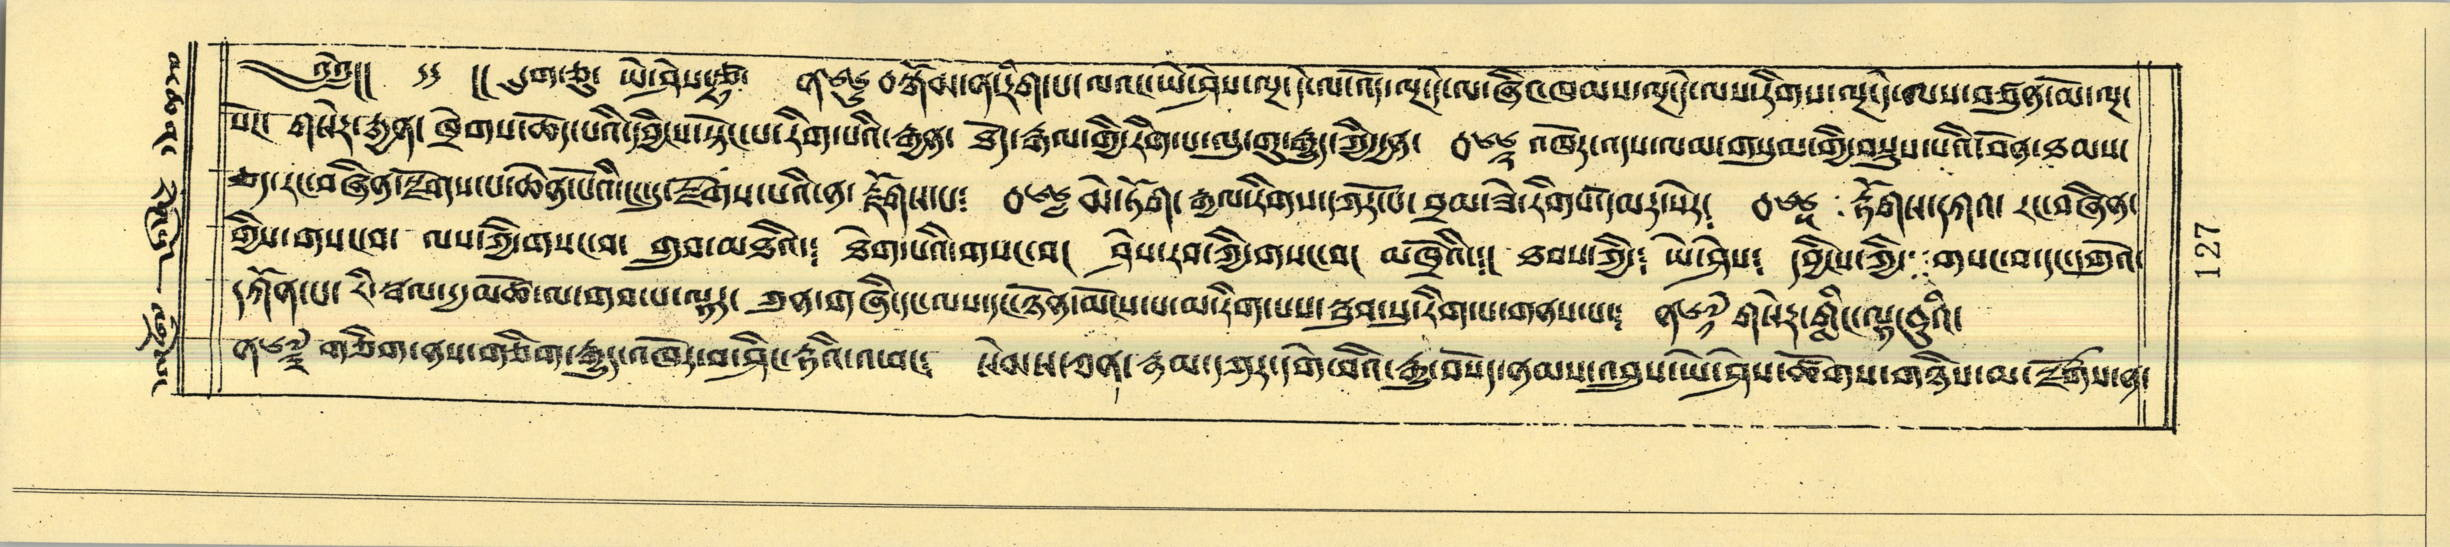དྲུག་ཅུ། ཡེ་ཤེས་བརྒྱད་ཅུ་རྩ་གཅིག་ ན༦༦།༦བསྒོམ་ན་རིག་པ་ལའང་ཡེ་ཤེས་ལྔ་དེ་ལ་འོད་ལྔ་དེ་ལ་ཞིང་ཁམས་ལྔ་དེ་ལས་རིགས་ལྔ་དེ་ལས་བཙུན་མོ་ལྔ་
སོགས་ གསེར་རྒྱན་ ཁྲེགས་ཆོད་པའི་དབྱིངས་སྟོང་པ་རིག་པའི་རྒྱན་ ཐོད་རྒལ་གྱི་རིག་པ་ལུ་གུ་རྒྱུད་ཀྱི་རྒྱན་ ན༦༦།༢འཁོར་འདས་ལམ་གསུམ་གྱིས་བསྡུས་པའི་བོན་ཐམས་
ཅད་རང་བཞིན་རྫོགས་པ་ཆེན་པོའི་ངང་དུ་རྫོགས་པས་ན་ རྫོགས་པ་ བ༦༦། མེ་ཏོག་རྒྱལ་རིགས་དཀར་པོ་བྲམ་ཟེ་རིགས་དམར་སེར་ བ༦༦།༥རྟོགས་དཀའ་ རང་བཞིན་
གྱི་གསང་བ། ལས་ཀྱི་གསང་བ། གྲུབ་མཐའི། གསང་བ་ཐེག་པའི་གསང་བ། ཤེས་རབ་ཀྱི་གསང་བ། མཁའི་འགྲོའི་རྩལ་གྱིས་གསང་བ་ཐབས་ཀྱི་གསང་བ་ཡེ་ཤེས། ཀྱི་གསང་བ་ དབྱིངས་ཀྱི་ གསང་བ་དང་དགུའོ།
དཀོན་པ་ རུས་སྦལ་རྒྱ་མཚོ་ལ་གབ་པ་ལྟར་ ཀུན་གཞི་དང་ལས་དང་ཉོན་མོངས་པ་མ་རིག་པའི་སྦུབས་སུ་རིག་པ་གནས་པ་ ན༦༧།༡གསེར་གླིང་ལྟ་བུའི 
ན༦༡།༣གཅིག་ནས་གཅིག་བརྒྱུད་འཁོར་བ་ཤིང་རྟའི་འཕང་། སེམས་ཅན་རྣམ་དཀར་དགེ་བའི་རྒྱུ་བསོད་ནམས་འབྲས་བུ་ཡེ་ཤེས་ཀྱི་ཚོགས་གཉིས་མ་རྫོགས་ན་